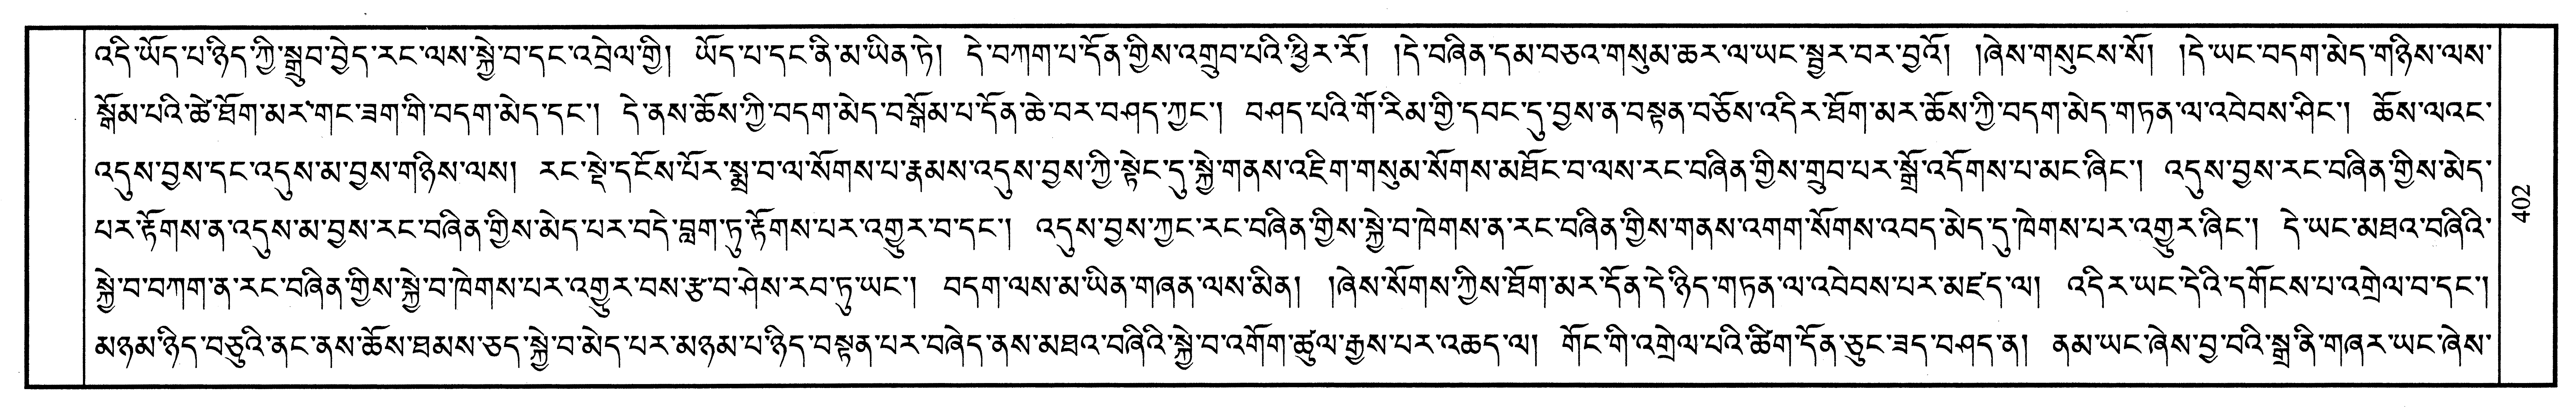འདི་ཡོད་པ་ཉིད་ཀྱི་སྒྲུབ་བྱེད་རང་ལས་སྐྱེ་བ་དང་འབྲེལ་གྱི། ཡོད་པ་དང་ནི་མ་ཡིན་ཏེ། དེ་བཀག་པ་དོན་གྱིས་འགྲུབ་པའི་ཕྱིར་རོ། །དེ་བཞིན་དམ་བཅའ་གསུམ་ཆར་ལ་ཡང་སྦྱར་བར་བྱའོ། །ཞེས་གསུངས་སོ། །དེ་ཡང་བདག་མེད་གཉིས་ལས་
སྒོམ་པའི་ཚེ་ཐོག་མར་གང་ཟག་གི་བདག་མེད་དང་། དེ་ནས་ཆོས་ཀྱི་བདག་མེད་བསྒོམ་པ་དོན་ཆེ་བར་བཤད་ཀྱང་། བཤད་པའི་གོ་རིམ་གྱི་དབང་དུ་བྱས་ན་བསྟན་བཅོས་འདིར་ཐོག་མར་ཆོས་ཀྱི་བདག་མེད་གཏན་ལ་འབེབས་ཤིང་། ཆོས་ལའང་
འདུས་བྱས་དང་འདུས་མ་བྱས་གཉིས་ལས། རང་སྡེ་དངོས་པོར་སྨྲ་བ་ལ་སོགས་པ་རྣམས་འདུས་བྱས་ཀྱི་སྟེང་དུ་སྐྱེ་གནས་འཇིག་གསུམ་སོགས་མཐོང་བ་ལས་རང་བཞིན་གྱིས་གྲུབ་པར་སྒྲོ་འདོགས་པ་མང་ཞིང་། འདུས་བྱས་རང་བཞིན་གྱིས་མེད་
པར་རྟོགས་ན་འདུས་མ་བྱས་རང་བཞིན་གྱིས་མེད་པར་བདེ་བླག་ཏུ་རྟོགས་པར་འགྱུར་བ་དང་། འདུས་བྱས་ཀྱང་རང་བཞིན་གྱིས་སྐྱེ་བ་ཁེགས་ན་རང་བཞིན་གྱིས་གནས་འགག་སོགས་འབད་མེད་དུ་ཁེགས་པར་འགྱུར་ཞིང་། དེ་ཡང་མཐའ་བཞིའི་
སྐྱེ་བ་བཀག་ན་རང་བཞིན་གྱིས་སྐྱེ་བ་ཁེགས་པར་འགྱུར་བས་རྩ་བ་ཤེས་རབ་ཏུ་ཡང་། བདག་ལས་མ་ཡིན་གཞན་ལས་མིན། །ཞེས་སོགས་ཀྱིས་ཐོག་མར་དོན་དེ་ཉིད་གཏན་ལ་འབེབས་པར་མཛད་ལ། འདིར་ཡང་དེའི་དགོངས་པ་འགྲེལ་བ་དང་།
མཉམ་ཉིད་བཅུའི་ནང་ནས་ཆོས་ཐམས་ཅད་སྐྱེ་བ་མེད་པར་མཉམ་པ་ཉིད་བསྟན་པར་བཞེད་ནས་མཐའ་བཞིའི་སྐྱེ་བ་འགོག་ཚུལ་རྒྱས་པར་འཆད་ལ། གོང་གི་འགྲེལ་པའི་ཚིག་དོན་ཅུང་ཟད་བཤད་ན། ནམ་ཡང་ཞེས་བྱ་བའི་སྒྲ་ནི་གཞར་ཡང་ཞེས་